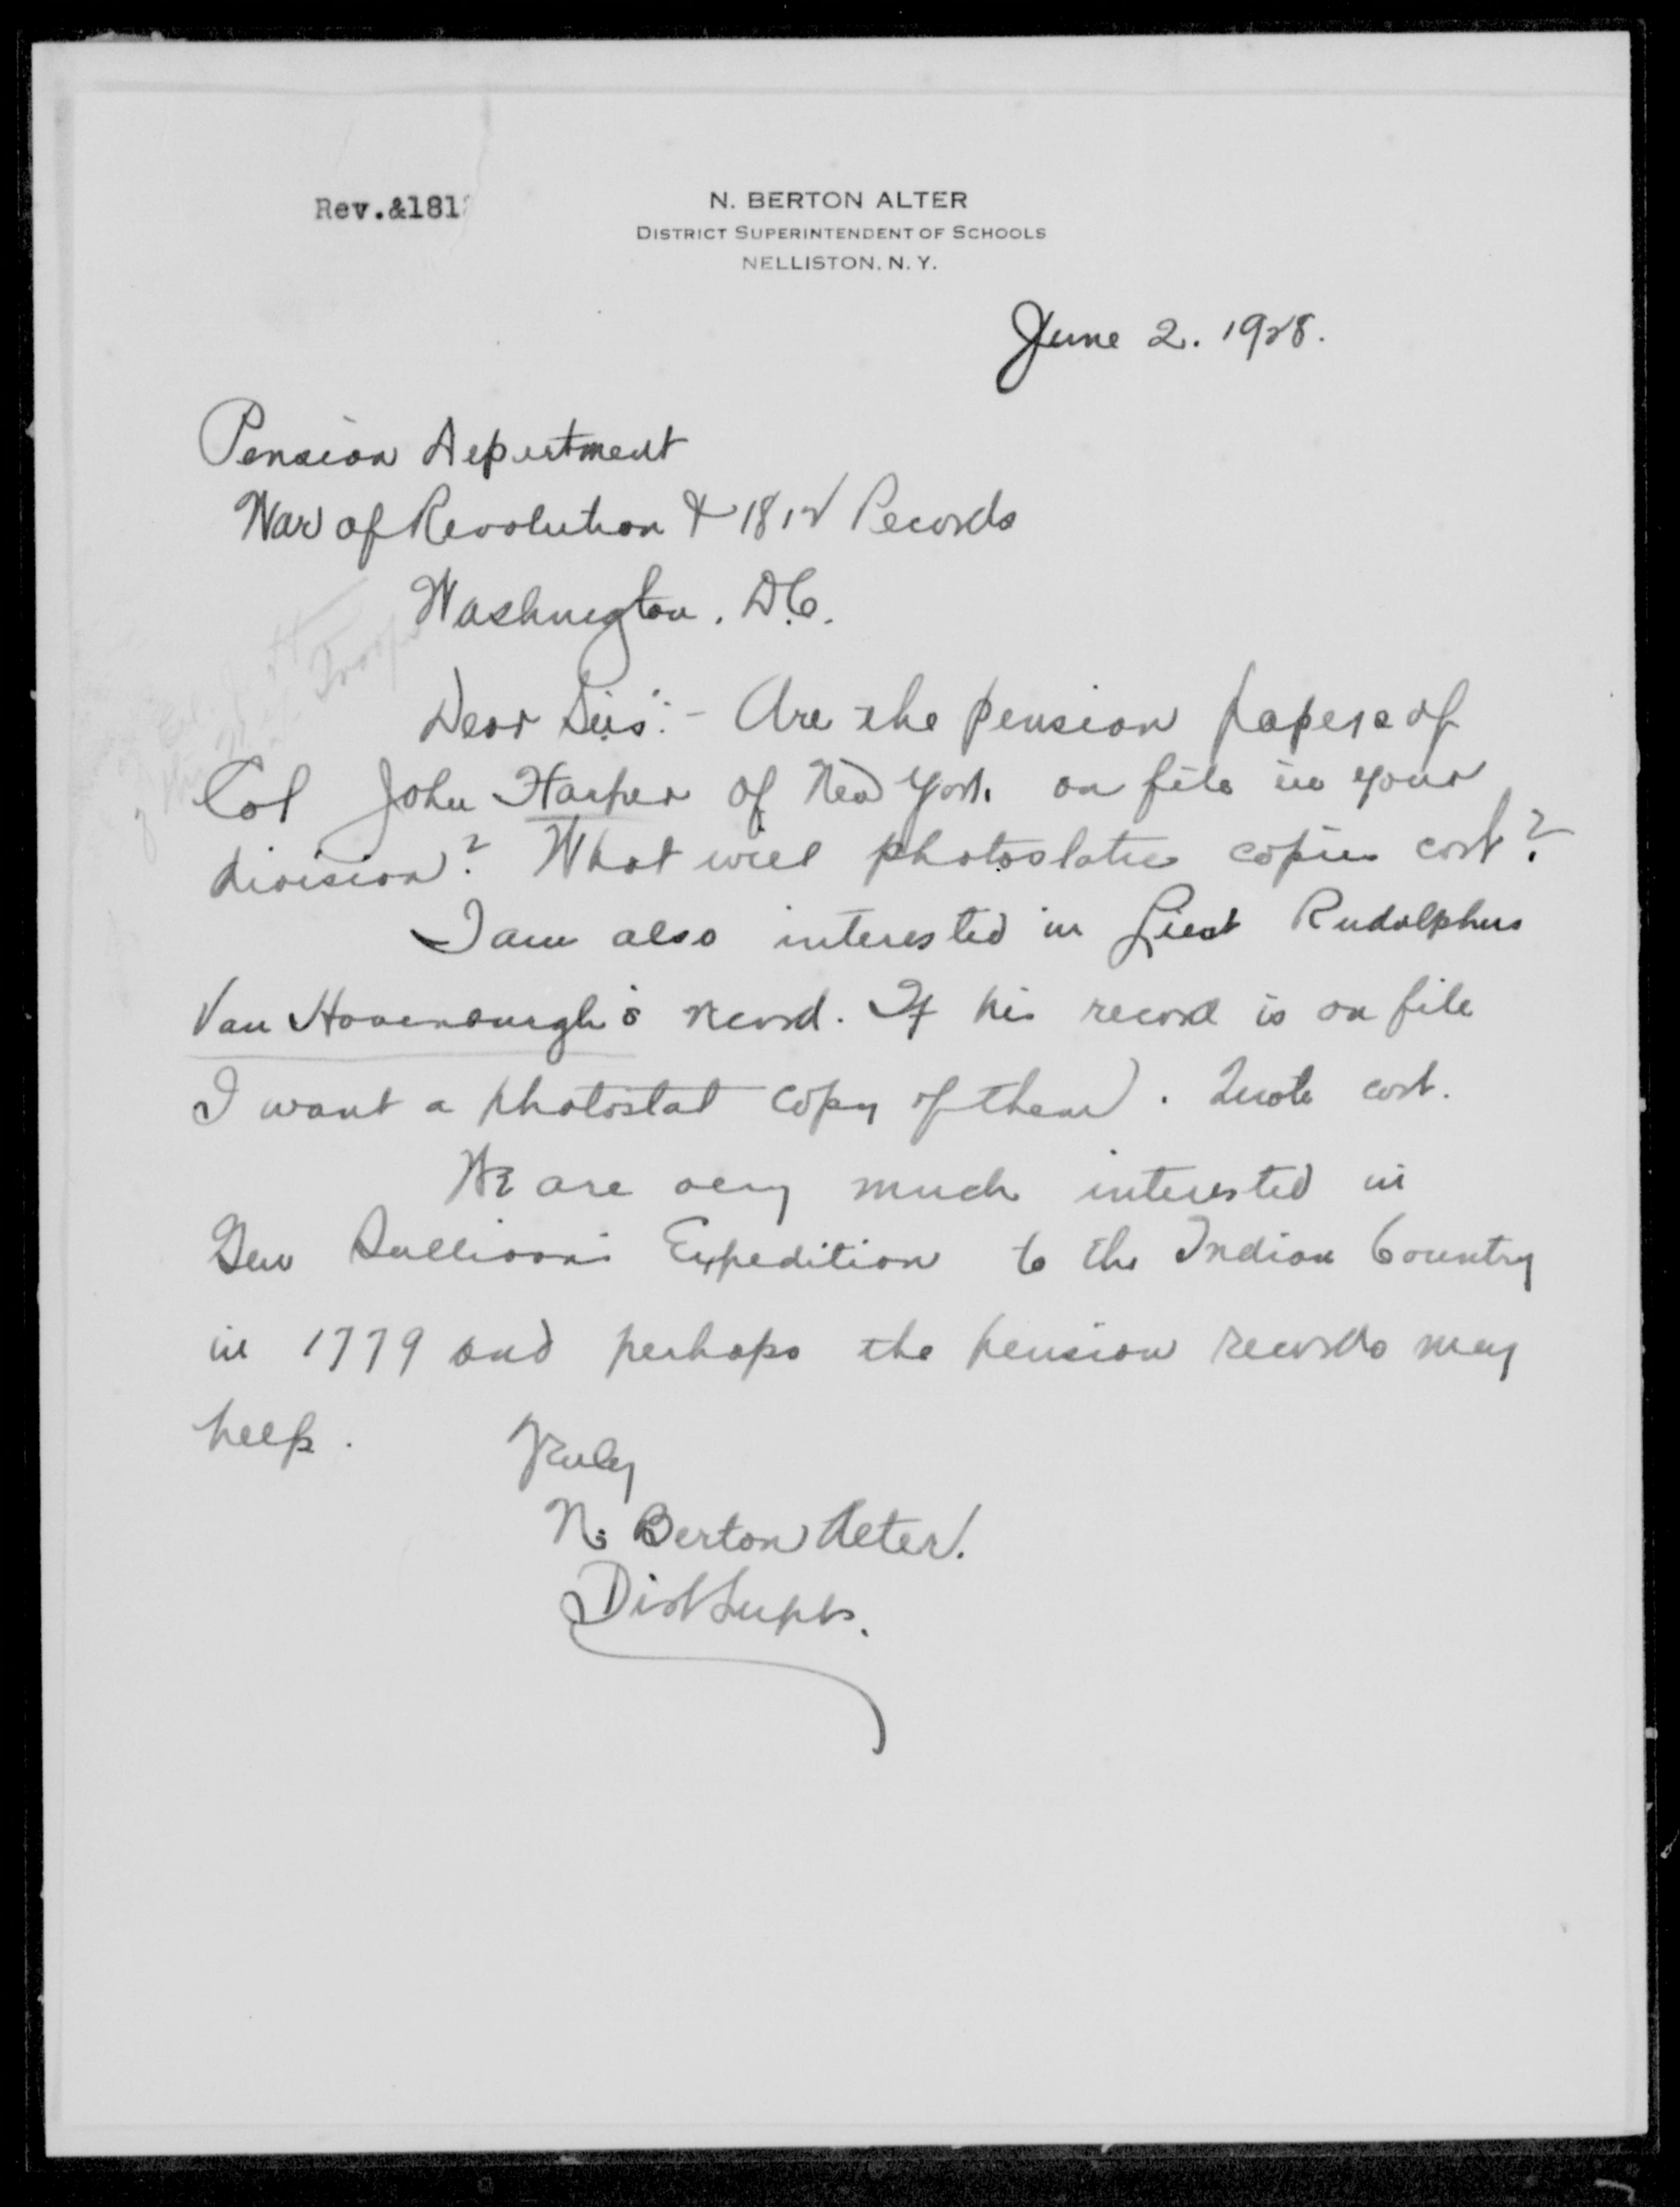Rev. &181
N. BERTON ALTER
DISTRICT SUPERINTENDENT OF SCHOOLS
NELLISTON, N. Y.

June 2, 1928.

Pension Department
War of Revolution & 1812 Records
Washington, D.C.

Dear Sirs:- Are the pension papers of Col John Harper of New York on file in your division? What will photostat copies cost?
I am also interested in Lieut Rudolphus Van Hovenburgh's record. If his record is on file I want a photostat copy of them. Quote cost.
We are very much interested in Gen Sullivans Expedition to the Indian Country in 1779 and perhaps the pension records may
help.
Truly
N. Berton Alter
Dist Supt.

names: Rudolphus Van Hovenburgh, N Berton Alter, N Berton Alter, John Harper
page: 18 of 38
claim: widow's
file: W. 23324, Rudolphus Van Hoevenbergh, New York